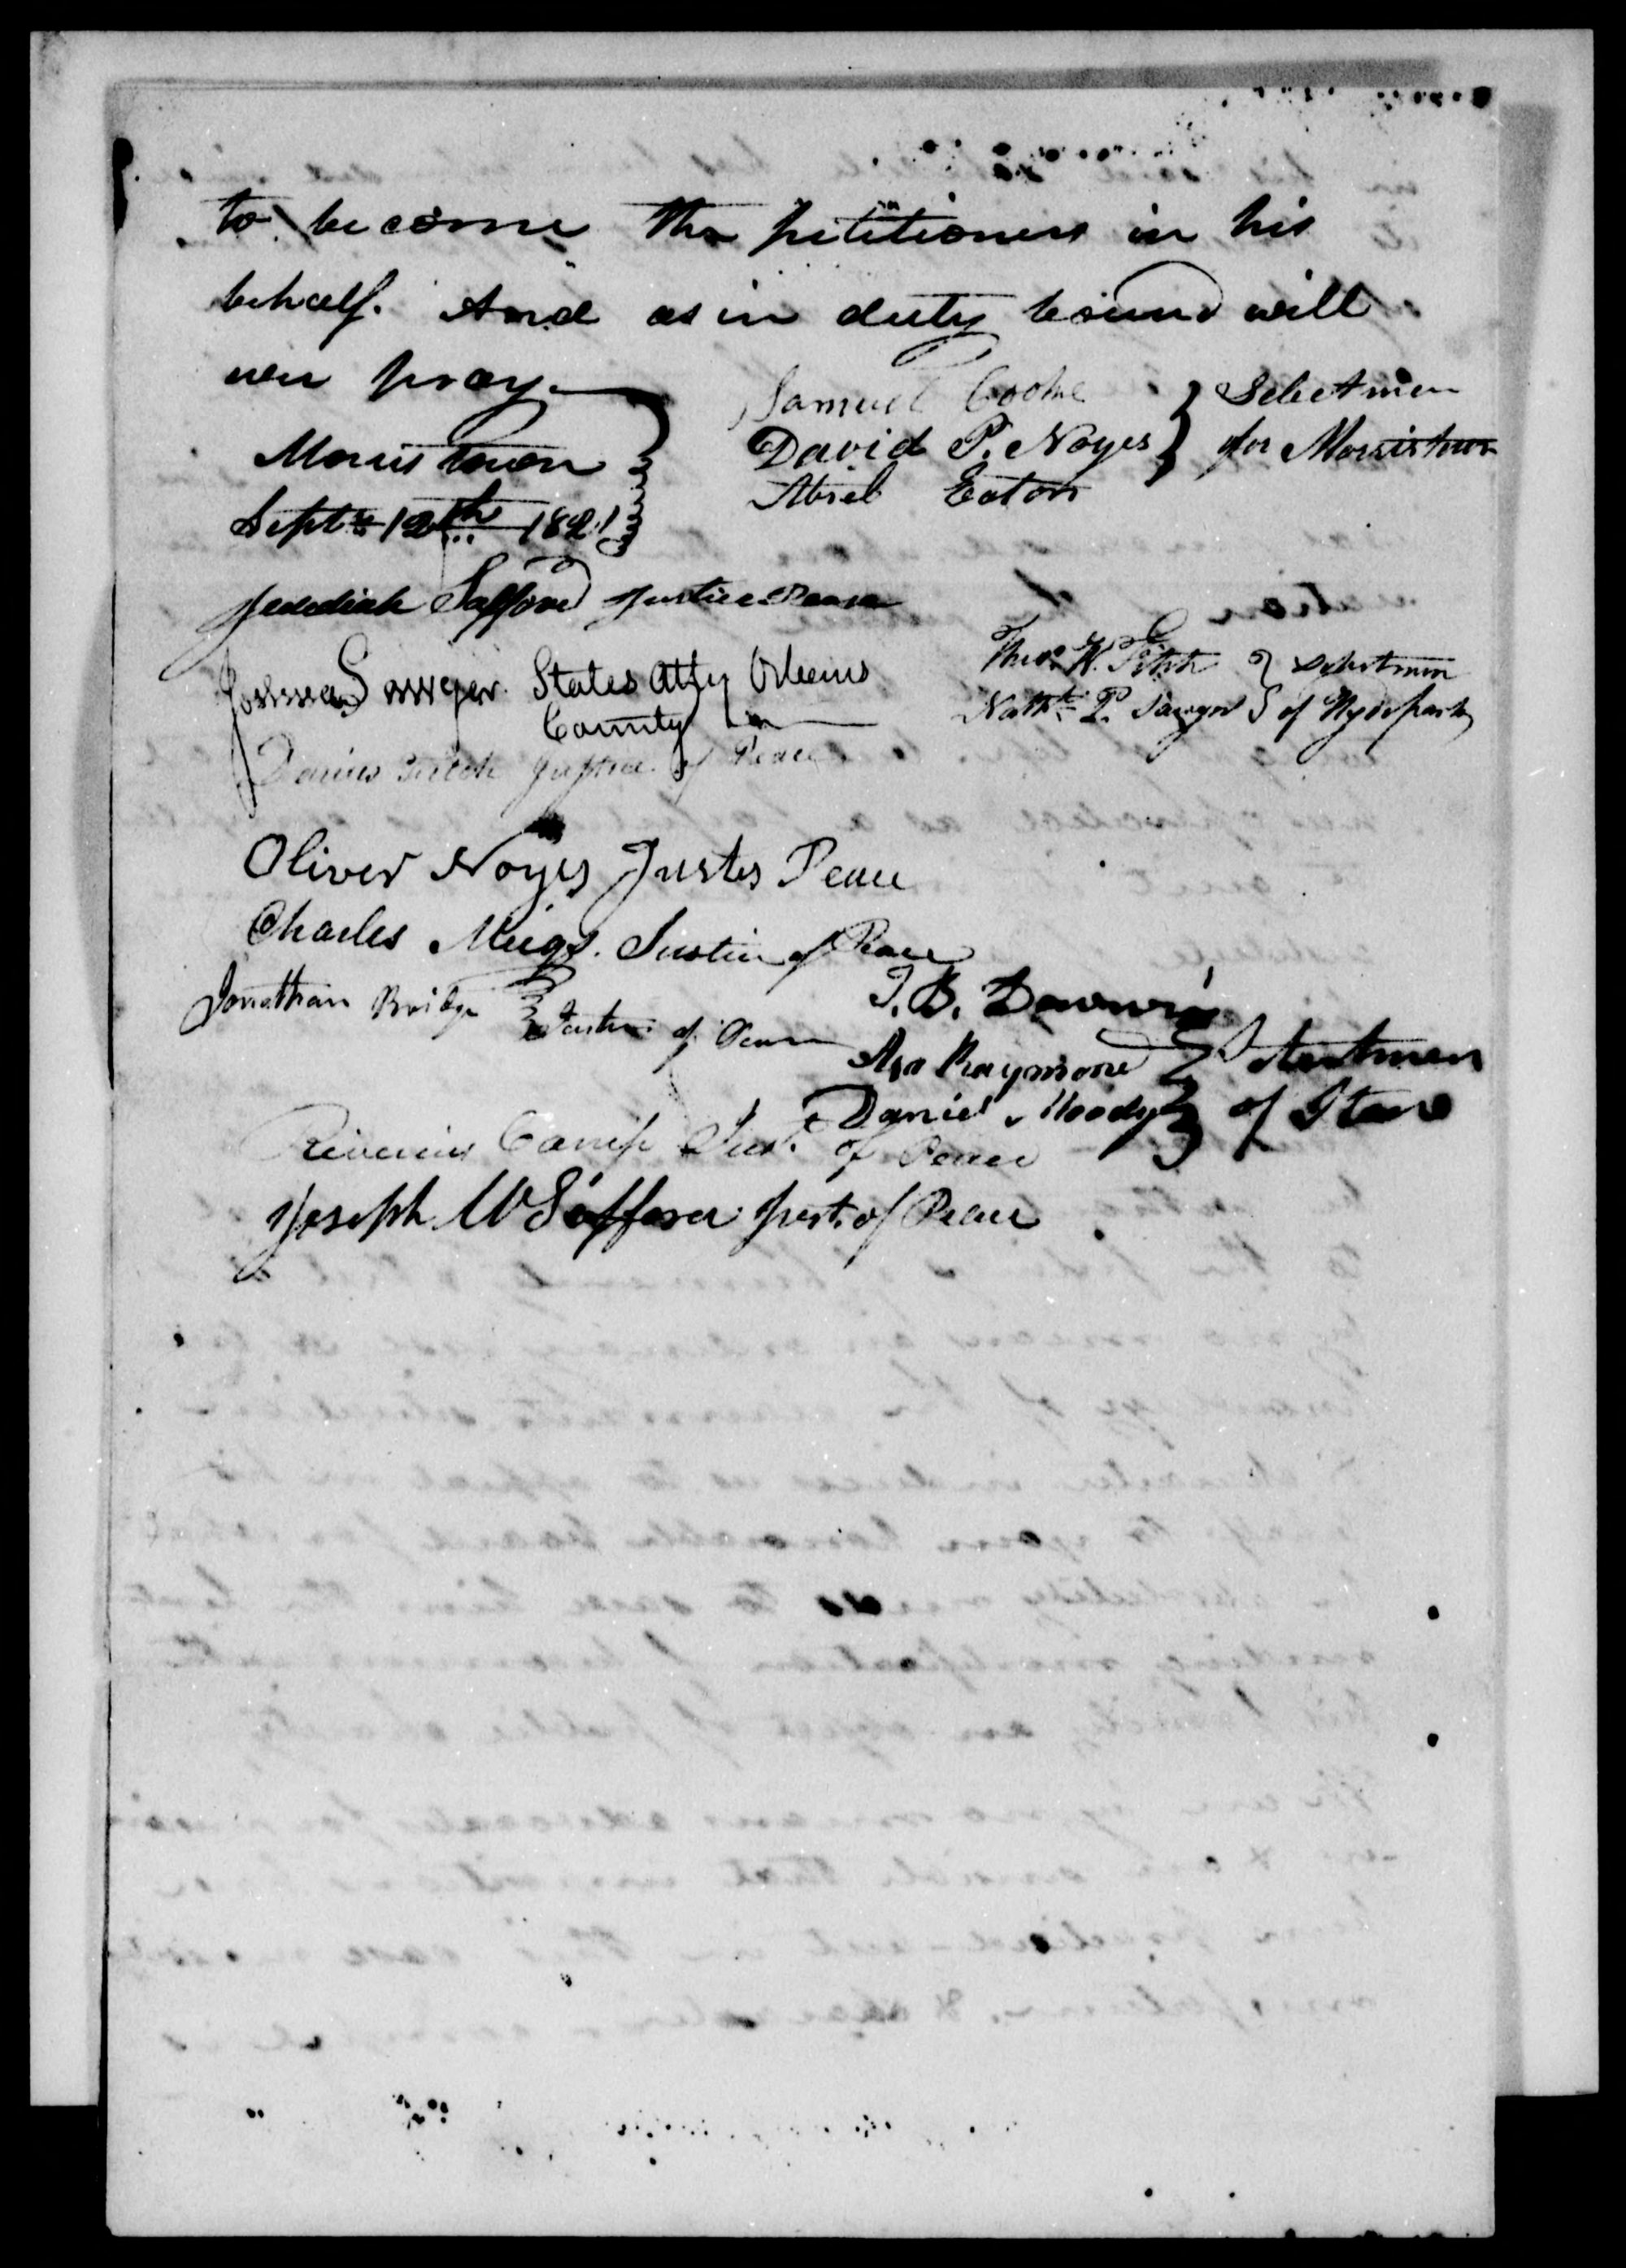to become the petitioners in his behalf. And as in duty bound will [we?] pray-
Morristown
Sept 12th 1821
Selectmen for Morristown:
Samuel Cooke
David P. Noyes
Abiel Eaton
Selectmen of Hydepark:
Mark W North[?]
Nathl P Sawyer
Selectmen of Stow:
J.B. Danvers[?]
Asa Raymond
Daniel Moody
Jedediah Safford, Justice of the Peace
Joshua Sawyer, States Atty Orleans County
David [?],  Justice of the Peace
Oliver Noyes, Justice Peace
Charles Meigs, Justice of Peace
Jonathan Bridger,   Justice of Peace
River Canefe[?], Just of Peace
Joseph W Safford, Just of Peace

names: Jedediah Safford, Joshua Sawyer, Oliver Noyes, J B Dawning, Darius Tutch, Jonathan Bridge, Joseph W Safford, Thos W Pitch, Abiel Eaton, Charles Meigs, Daniel Moody, Asa Raymond, David P Noyes, Samuel Cooke, Nathl P Sawyer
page: 73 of 87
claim: widow's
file: W. 25,966, Moses Weld, Mass.